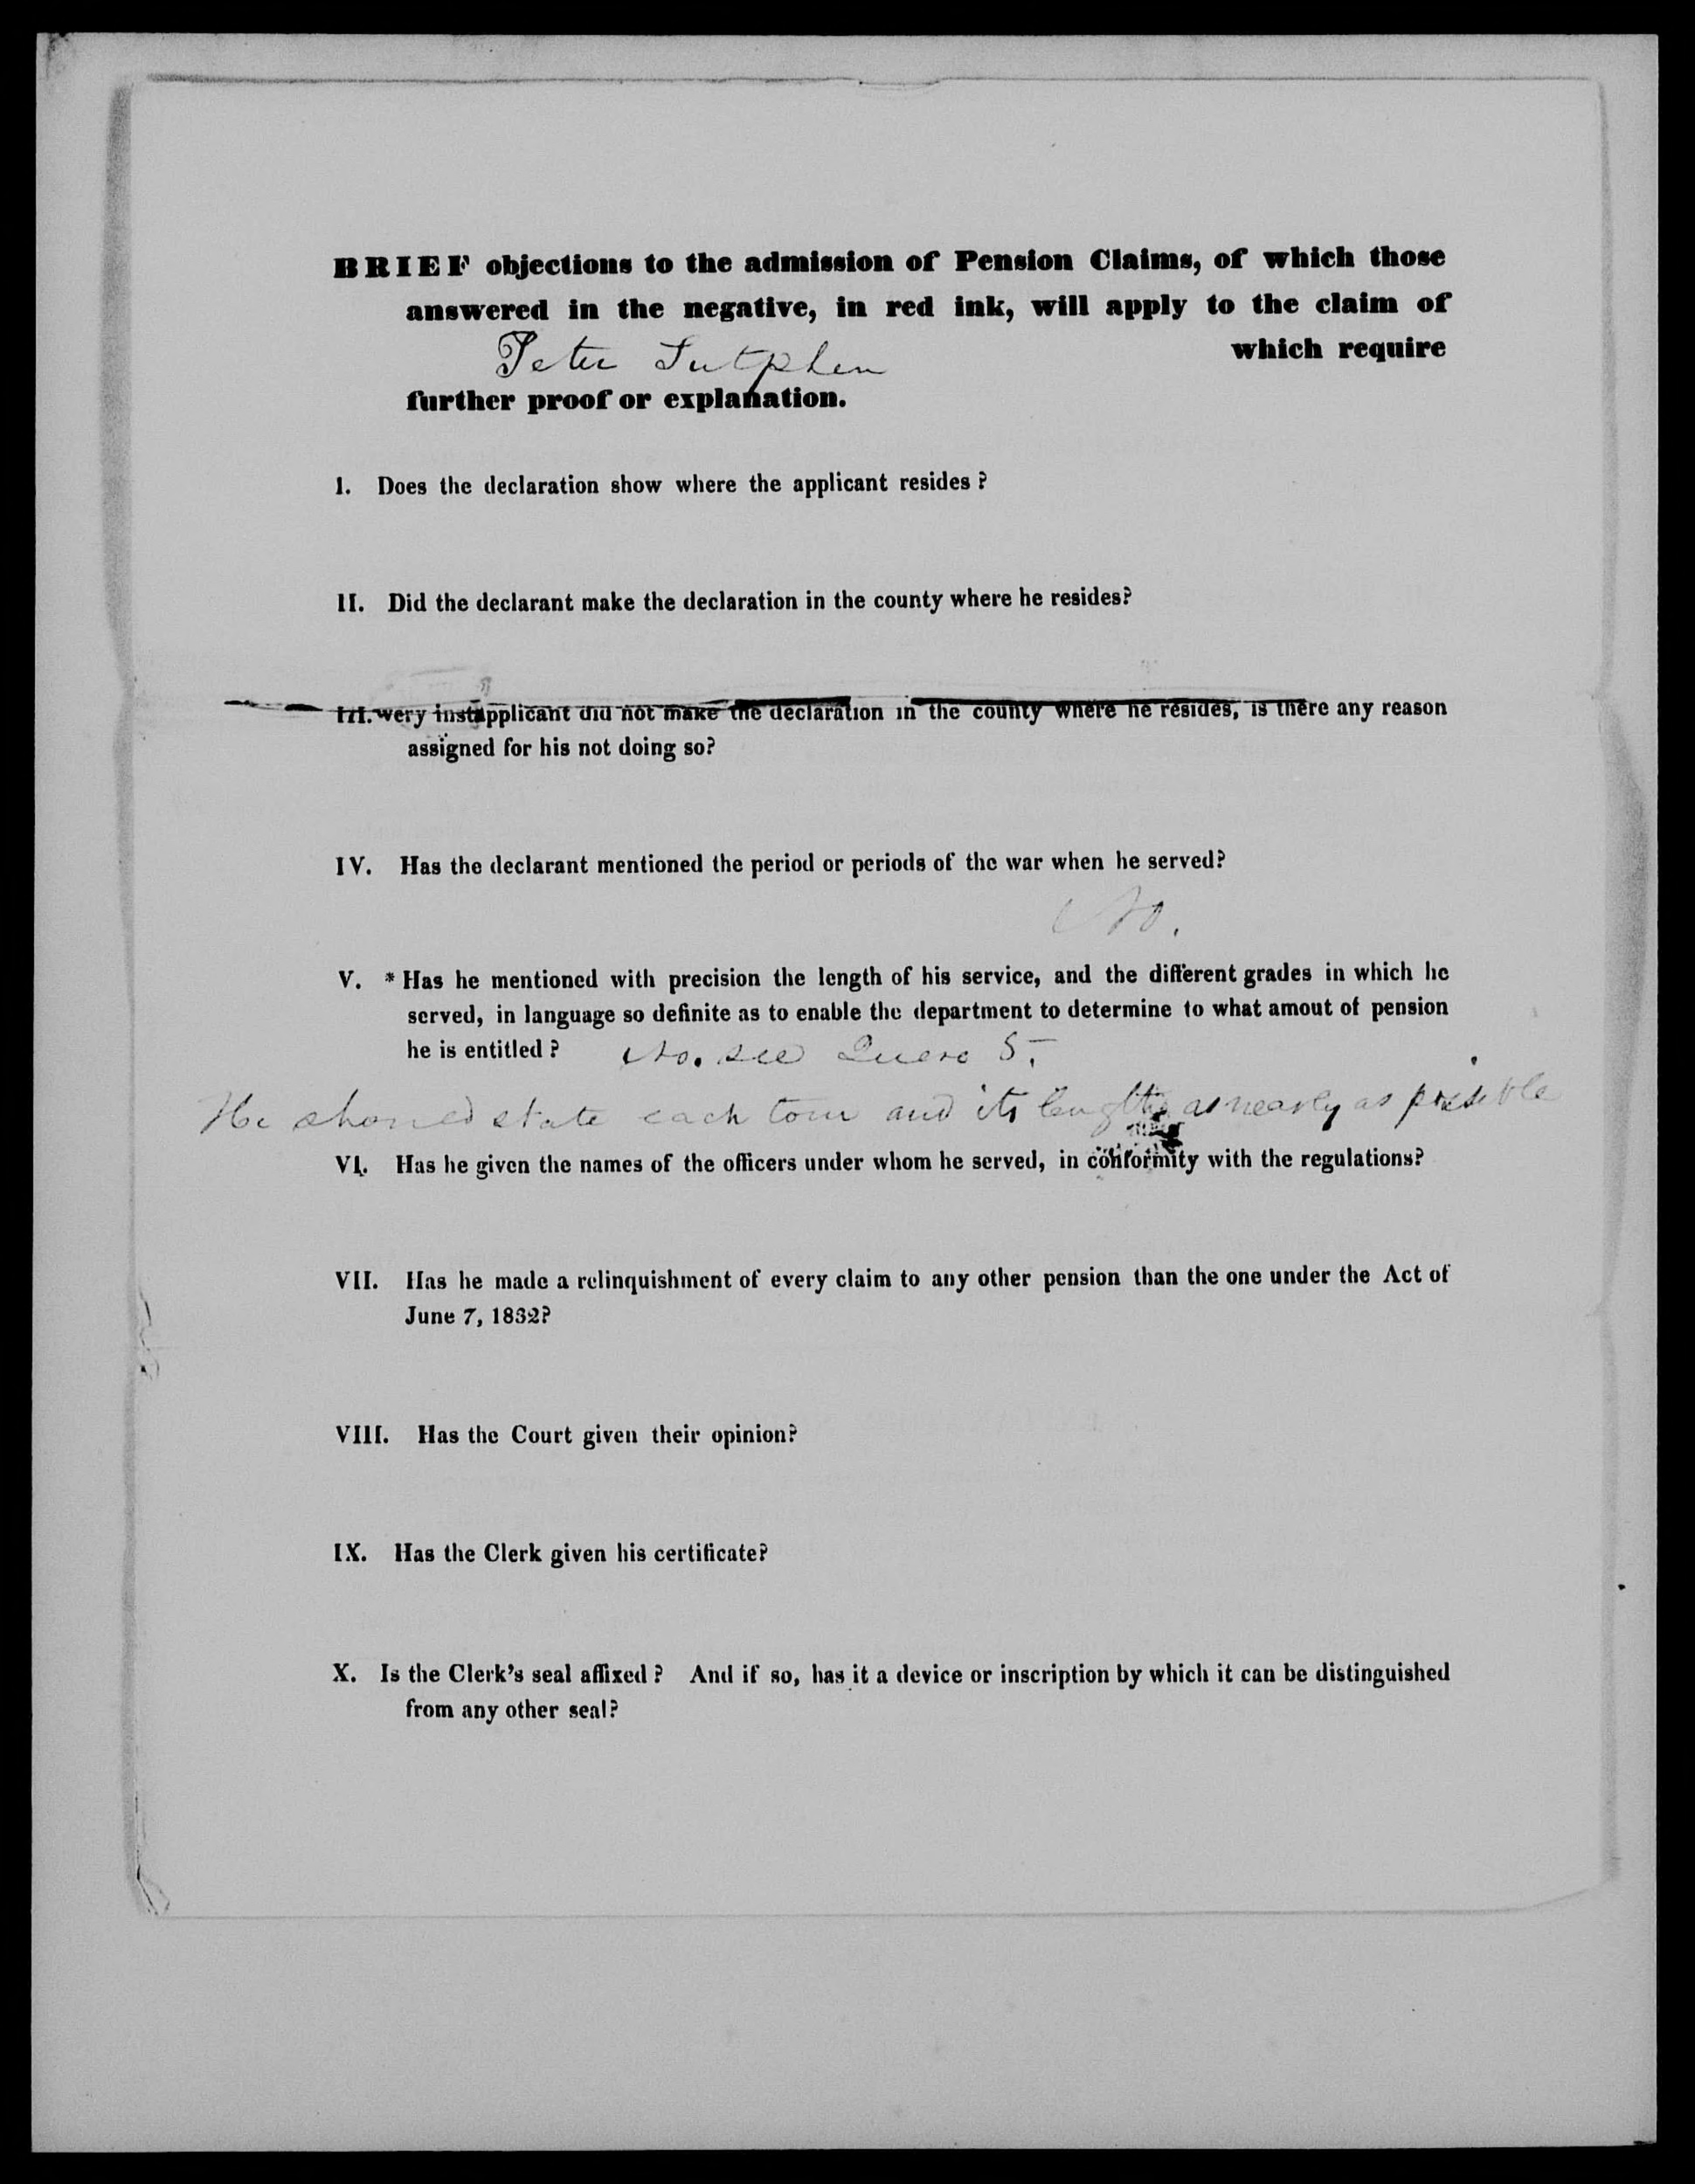BRIEF objections to the admission of Pension Claims, of which those answered in the negative, in red ink, will apply to the claim of Peter Sutphin, which require further proof or explanation.

I.   Does the declaration show where the applicant resides? (blank)
II.  Did the declarant make the declaration in the county where he resides? (blank)
III. If the applicant did not make the declaration in the county where he resides, is there any reason assigned for his not doing so? (blank)
IV.  Has the declarant mentioned the period or periods of the war when he served? No
V.   *Has he mentioned with precision the length of his service, and the different grades in which he served, in language so definite as to enable the department to determine to what amount (sp.) of pension he is entitled? No, see quere 5. He should state each tour and its length as nearly as possible.
VI. Has he given the names of the officers under whom he served, in conformity with the regulations? (blank)
VII. Has he made a relinquishment of every claim to any other pension than the one under the Act of June 7, 1832? (blank)
VIII. Has the Court given their opinion? (blank)
IX. Has the Clerk given his certificate ? (blank)
X. Is the Clerk's seal affixed? And if so, has it a device or inscription by which it can be distinguished from any other seal?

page: 10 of 14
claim: survivor's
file: S. 1119, for Peter Sutphen, New Jersey